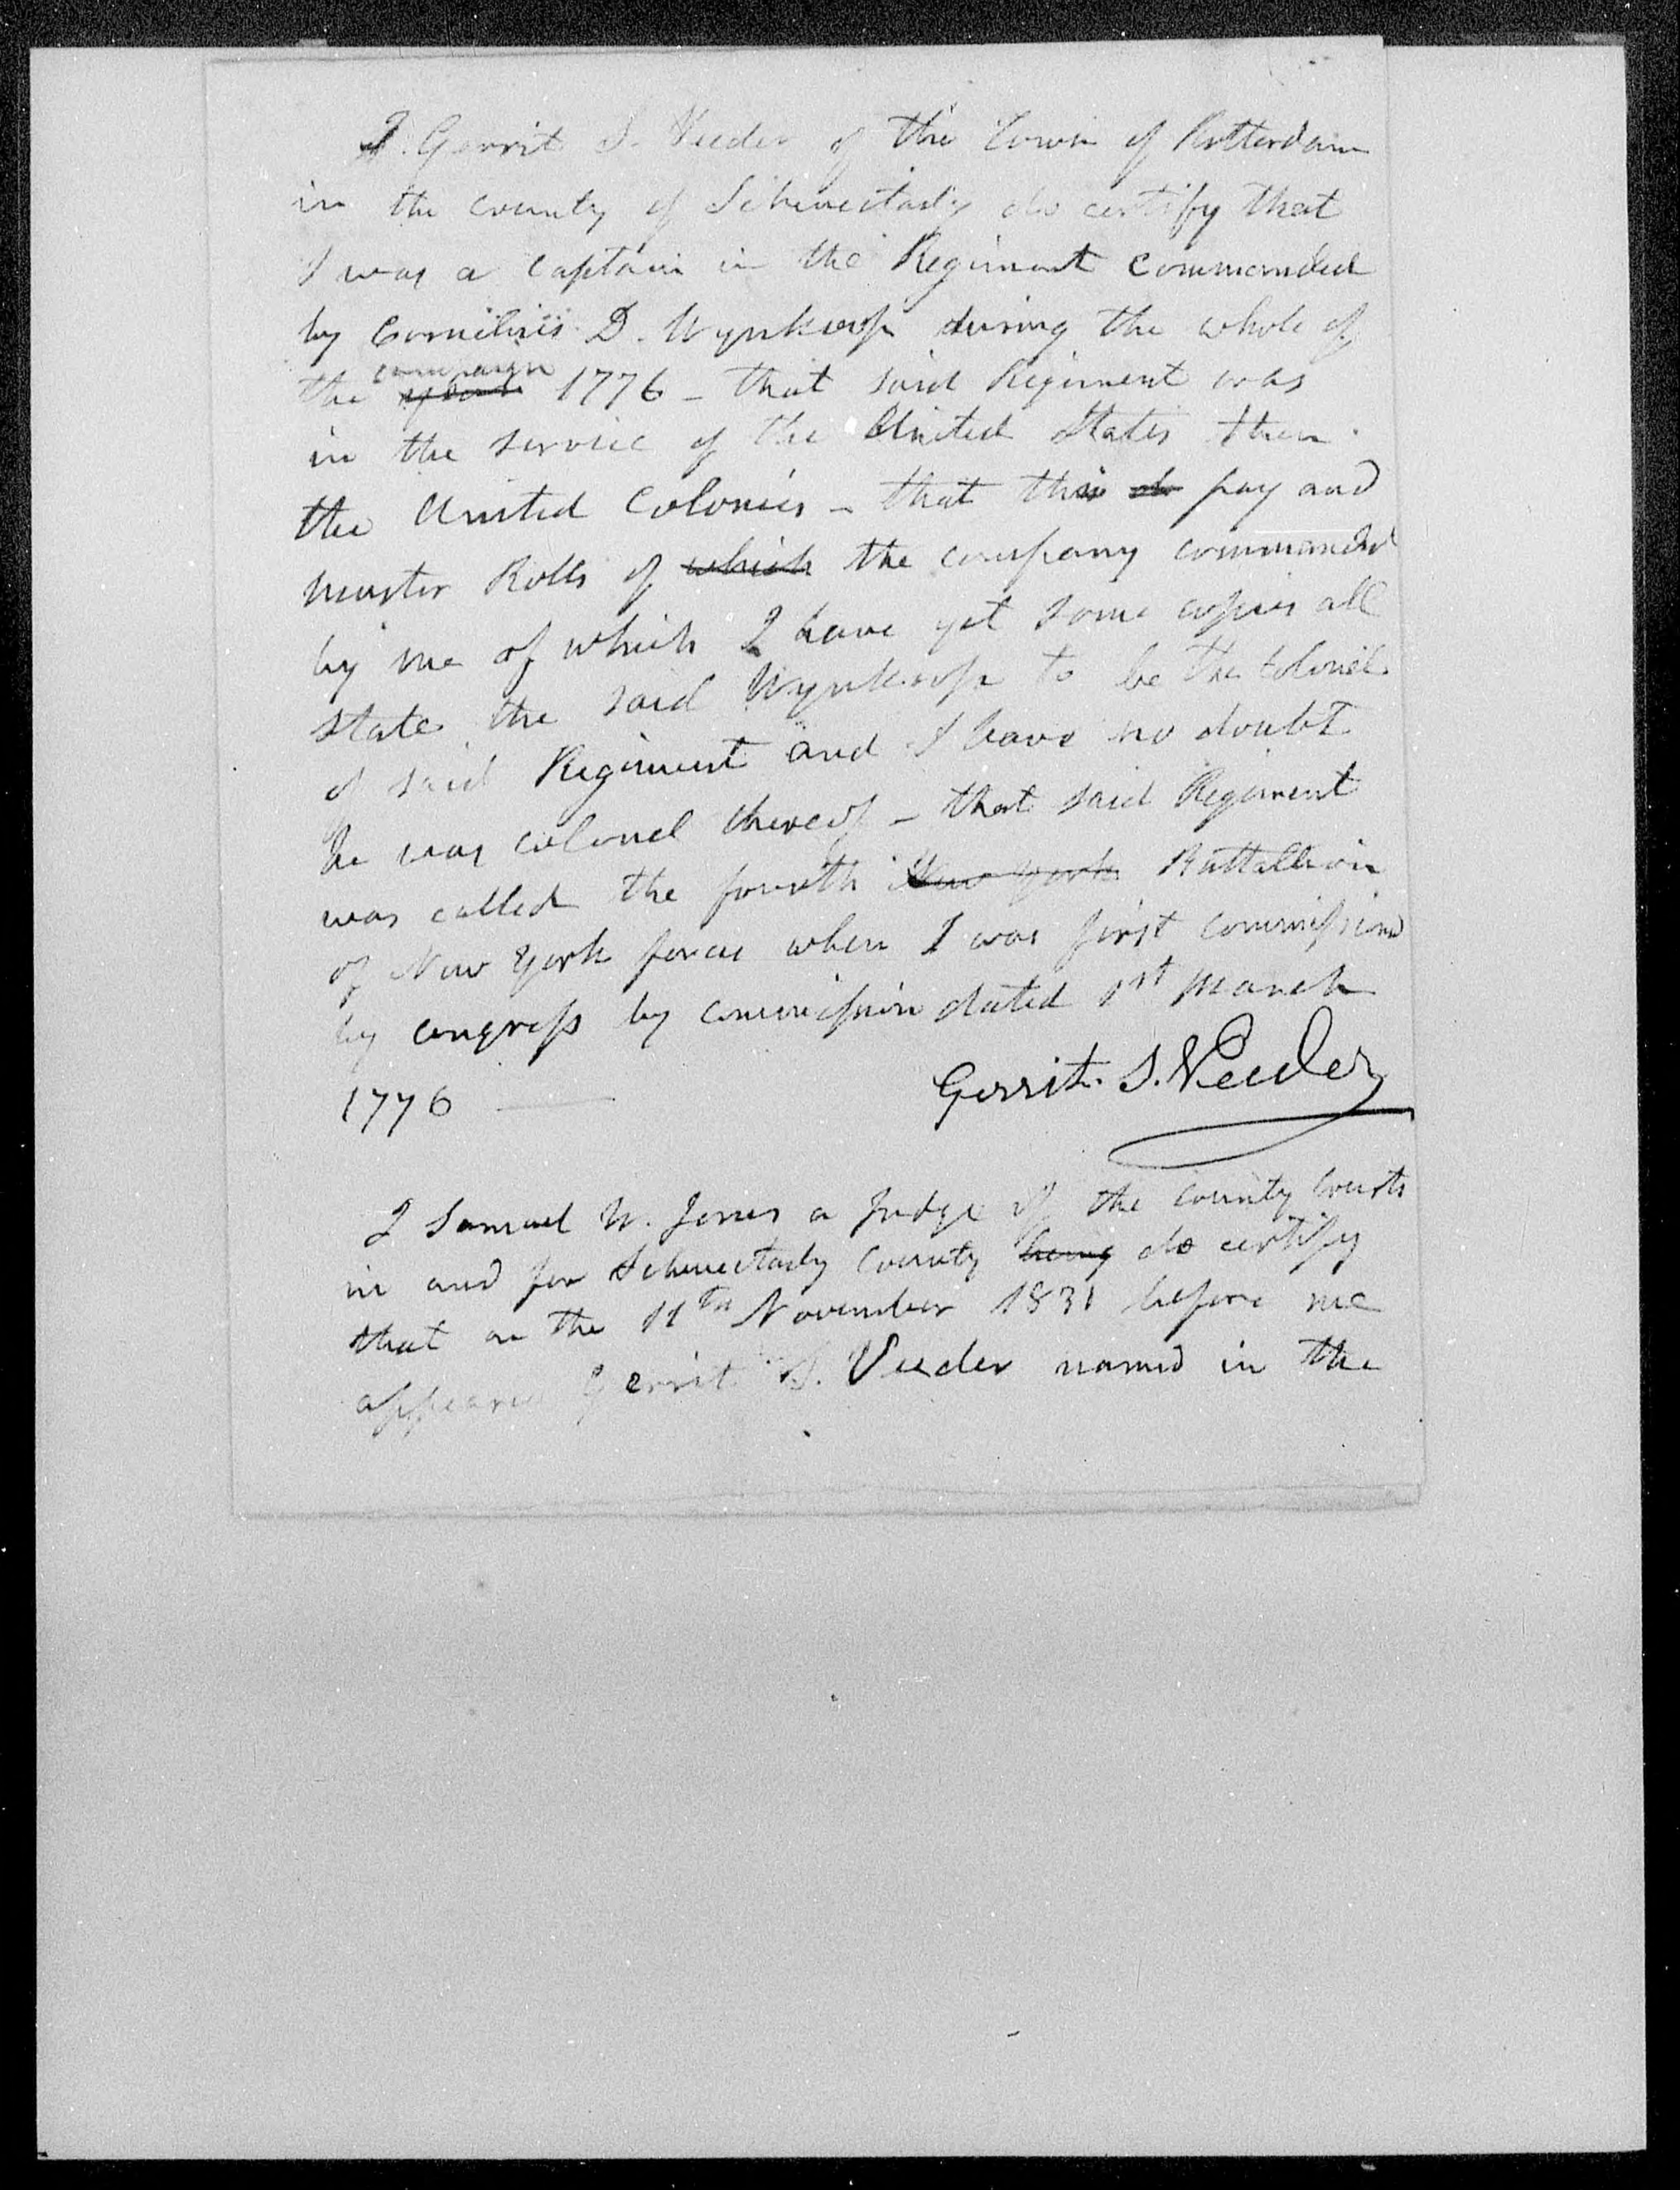I Garrit S. Veeder of the town of Rotterdam in the County of Schenectady do certify that I was a Captain in the Regiment commanded by Cornelius D. Wynkoop during the whole of the company in 1776. That said Regiment was in the service of the United States then the United Colonies. That the pay and muster rolls of the company commanded by me of which I have yet some upon all state the said Wynkoop to be the Colonel of said Regiment and I have no doubt he  was Colonel thereof. That said Regiment was called the fourth Battalion by Congress by commission stated 1st March 1776.
Gerrit. S. Veeder
I Samuel W. Jones a Judge of the County Courts in and for Schenectady County do certify that on the 11th November 1831 before me appeared Gerrit S. Veeder named in the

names: Cornelius D Wynkoop; Gerrit S Veeder; Samuel W Jones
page: 19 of 40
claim: widow's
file: W. 21876, for Christian Osterman, New York